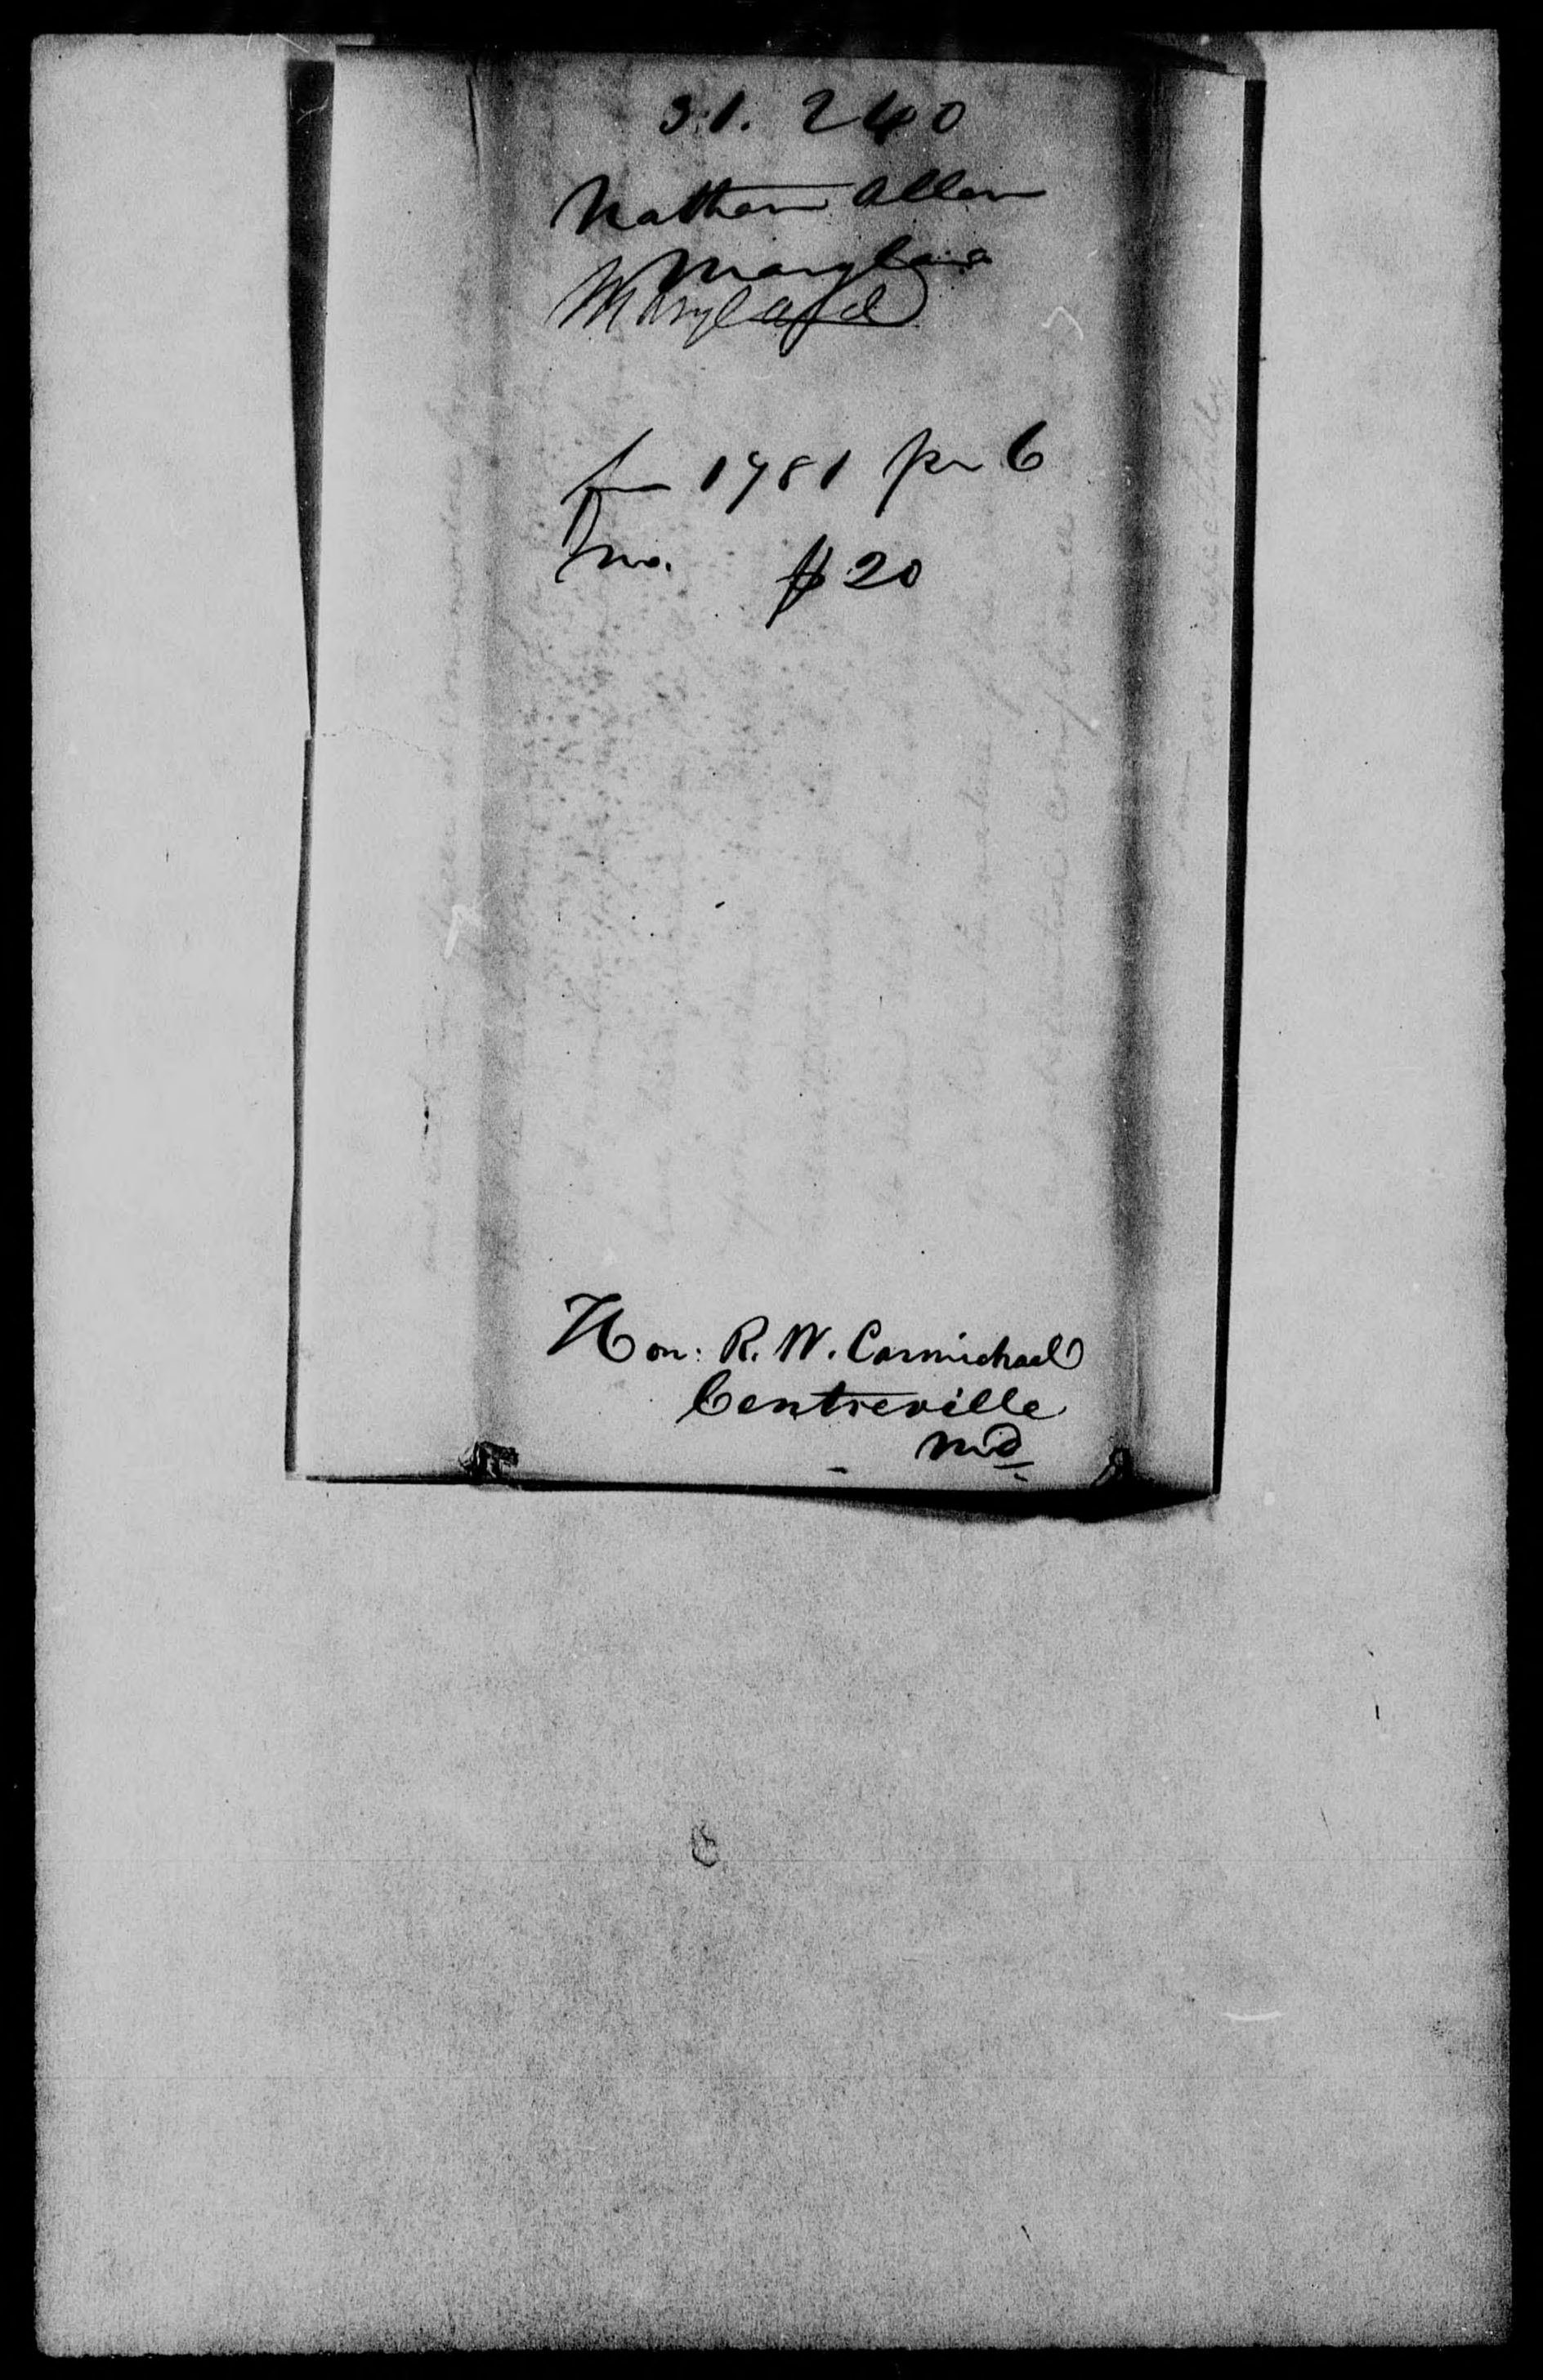31260
Nathan Allen
Maryland

from 1781 for 6 Mo. $20

Hon. R.W. Carmichael
Centreville, MD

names: Nathan Allen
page: 9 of 14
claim: survivor's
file: S. 8,011, Nathan Allen, Md. And Sea Service